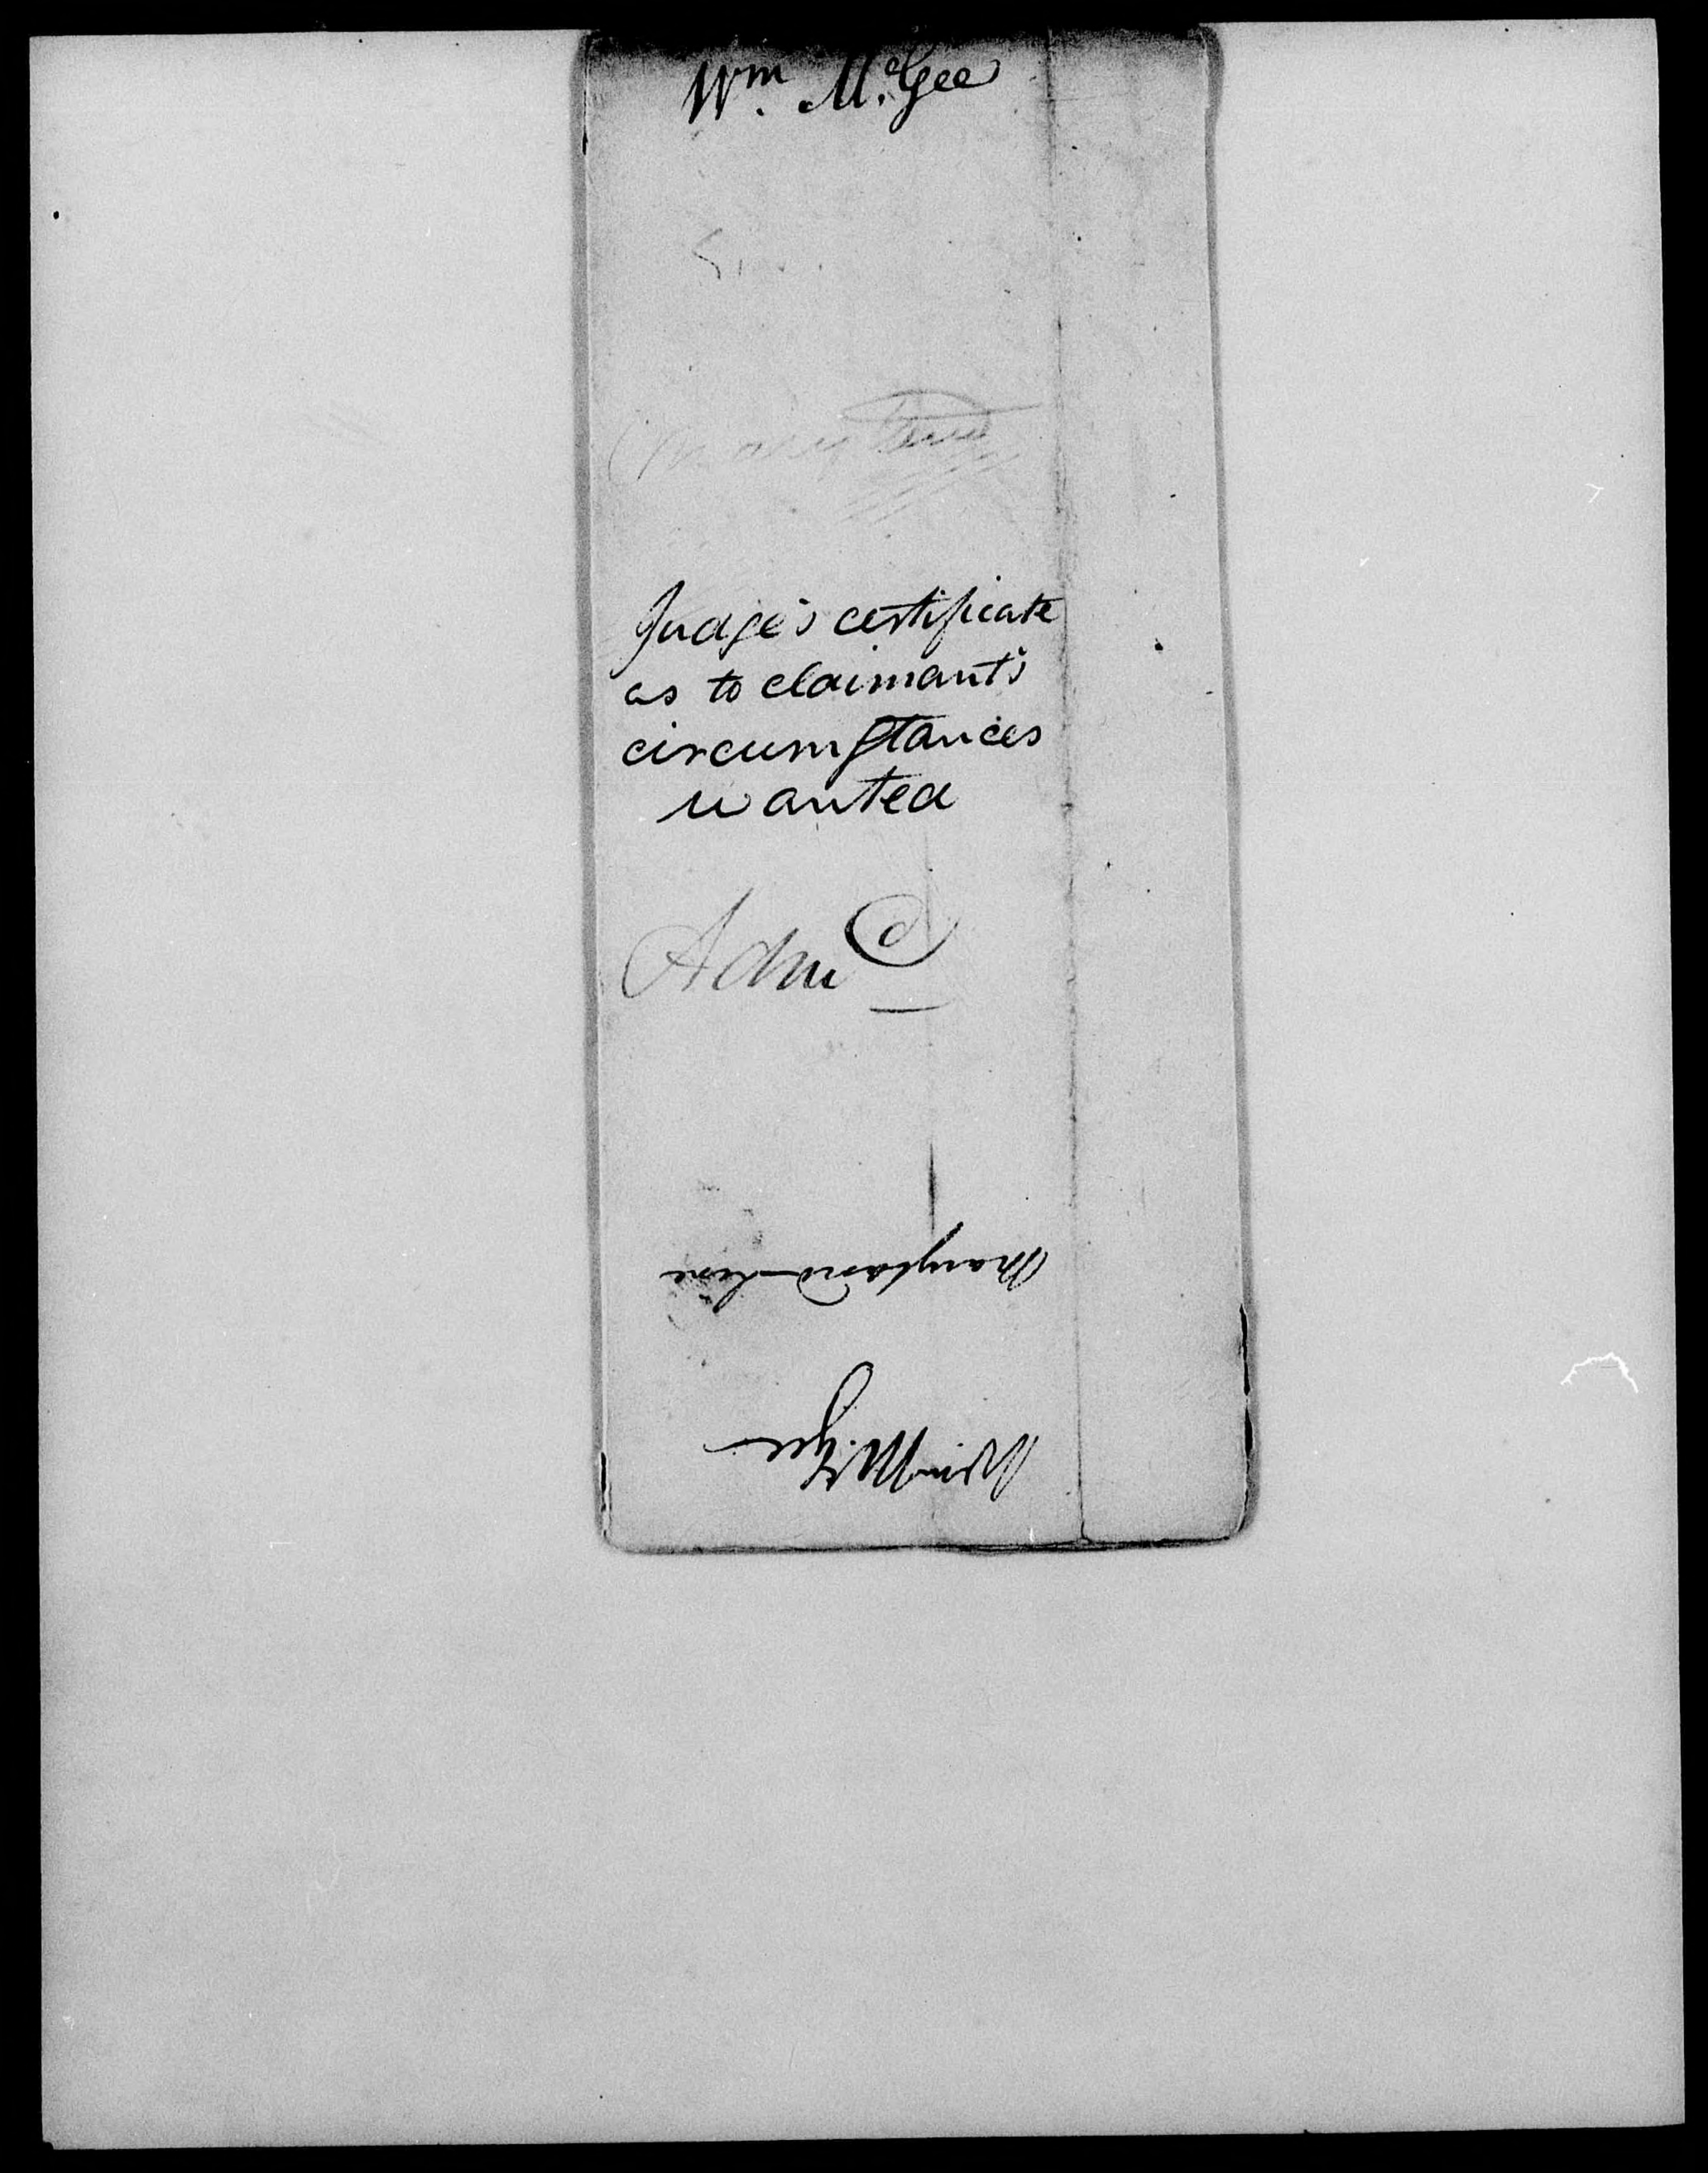Wm McGee
Maryland

Judge's certificate as to claimant's circumstances wanted

Adm C

[written upside down] Wm McGee 
Maryland Line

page: 3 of 17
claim: survivor's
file: S. 34980, for William Mc Gee, Maryland